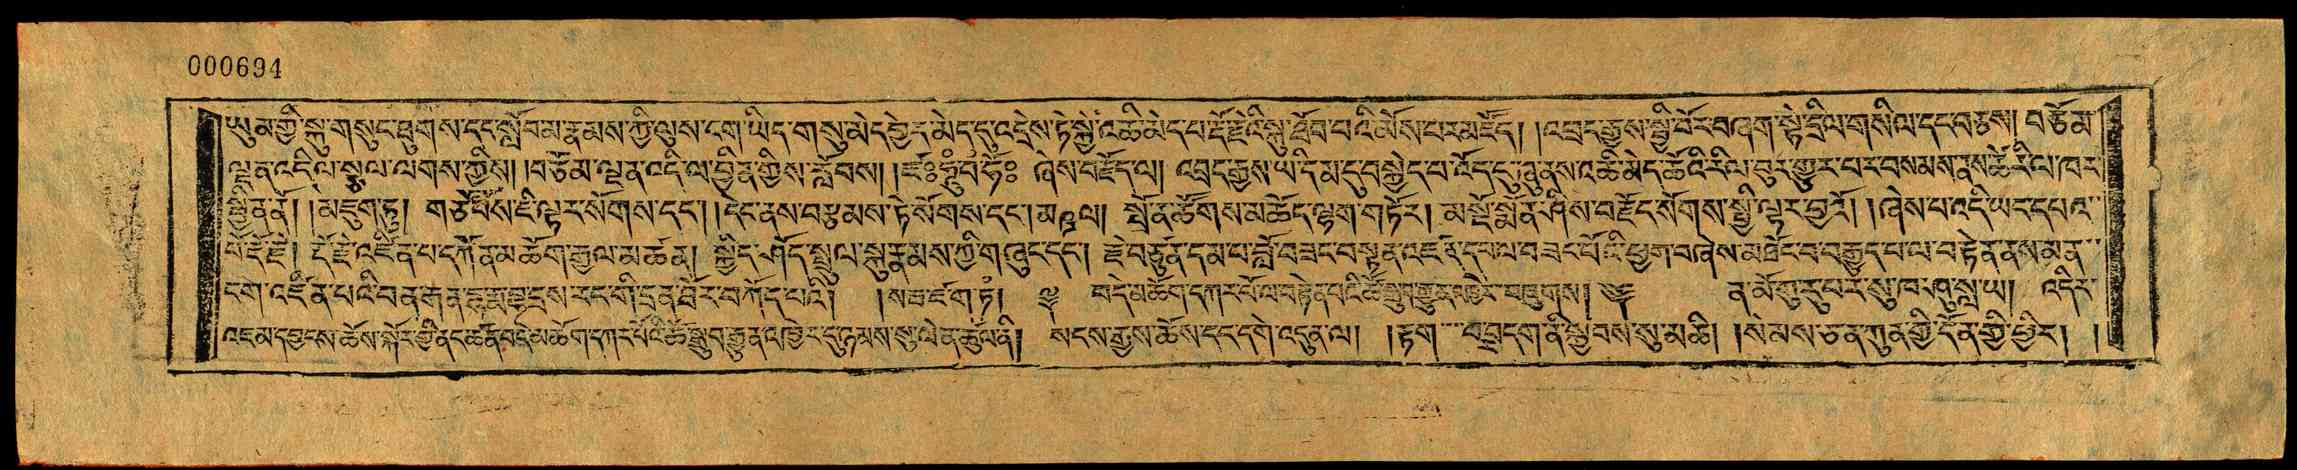ཡུམ་གྱི་སྐུ་གསུང་ཐུགས་དང་སློབ་མ་རྣམས་ཀྱི་ལུས་ངག་ཡིད་གསུམ་དབྱེར་མེད་དུ་འདྲེས་ཏེ་སྐྱེ་འཆི་མེད་པ་རྡོ་རྗེའི་སྐུ་ཐོབ་པའི་མོས་པ་མཛོད། །འབྲང་རྒྱས་སྤྱི་བོར་བཞག་སྟེ་དྲིལ་གསིལ་དང་བཅས། བཅོམ་
ལྡན་འདི་ལ་སྩལ་ལགས་ཀྱིས། །བཅོམ་ལྡན་འདི་ལ་བྱིན་གྱིས་རློབས། །ཛཿ ཧཱུཾ་བཾ་ཧོཿ ཞེས་བརྗོད་ལ། འབྲང་རྒྱས་ཡི་དམ་དུ་བསྐྱེད་པ་འོད་དུ་ཞུ་ནས་འཆི་མེད་ཚེའི་རིལ་བུར་གྱུར་པར་བསམས་ནས་ཚེ་རིལ་ཁར་
སྦྱིན་ནོ། །མཇུག་ཏུ། གཙོ་བོས་ཇི་ལྟར་སོགས་དང་། །ངང་ནས་བརྩམས་ཏེ་སོགས་དང་། མཎྜལ། སྤྲོ་ན་ཚོགས་མཆོད་ལྷག་གཏོར། བསྔོ་སྨོན་ཤེས་བརྗོད་སོགས་སྤྱི་ལྟར་བྱའོ། །ཞེས་པ་འདི་ཡང་དཔའ་
པོ་རྡོ་རྗེ། རྡོ་རྗེ་འཛིན་པ་དཀོན་མཆོག་རྒྱལ་མཚན། སྐྱིད་ཤོད་སྤྲུལ་སྐུ་རྣམས་ཀྱི་གཞུང་དང་། རྗེ་བཙུན་དམ་པ་བློ་བཟང་བསྟན་འཛིན་དཔལ་བཟང་པོའི་ཕྱག་བཞེས་མཐོང་བ་བརྒྱུད་པ་ལ་བརྟེན་ནས་མན་
ངག་འཛིན་པའི་བན་རྒན་དྷརྨ་བྷ་དྲས་རང་གི་དྲན་ཐོར་བཀོད་པའོ། །སརྦ་ཛ་ག་ཏཾ།།